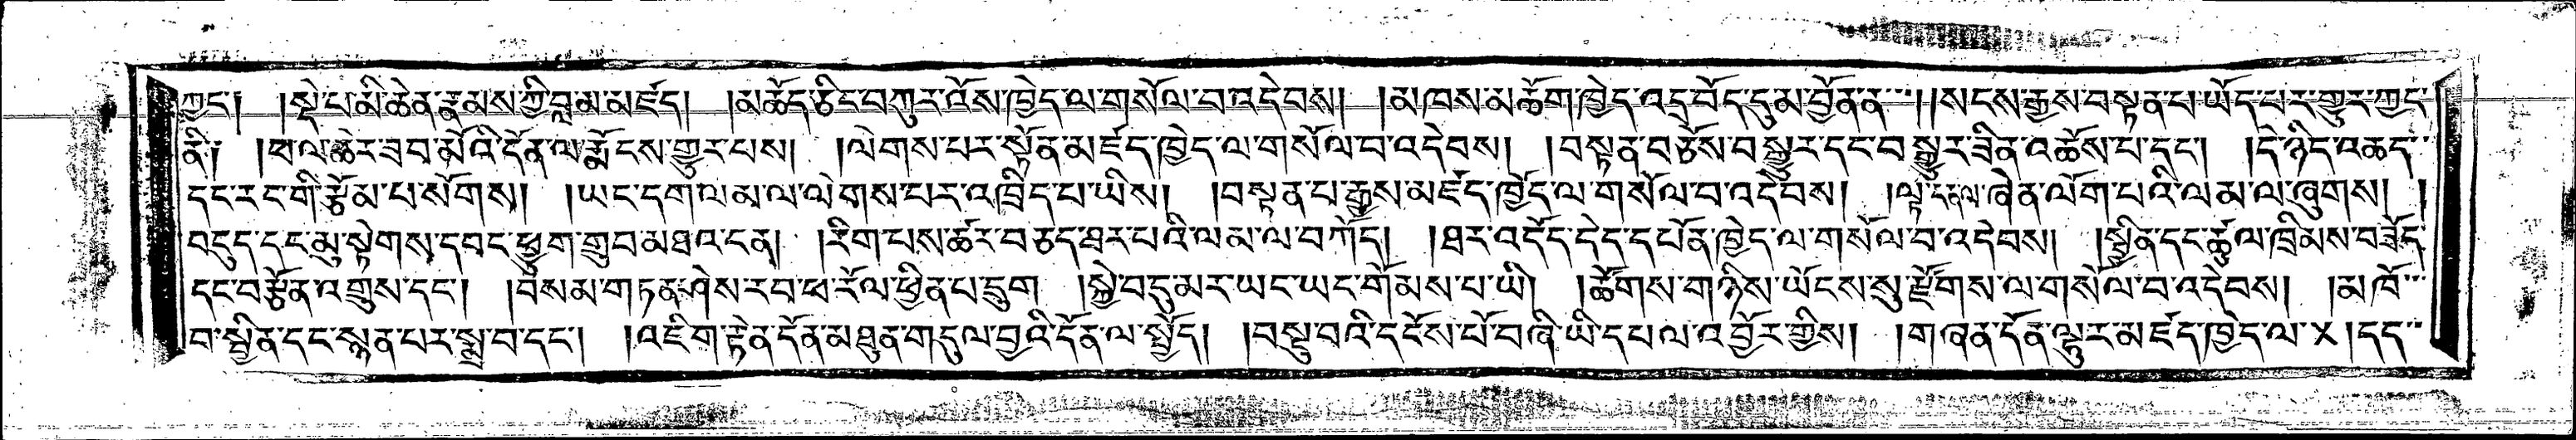ཀྱང་། །སྡེ་པ་མི་ཆེན་རྣམས་ཀྱི་བླ་མ་མཛད། །མཆོད་ཅིང་བཀུར་འོས་ཁྱེད་ལ་གསོལ་བ་འདེབས། །མཁས་མཆོག་ཁྱེད་འདྲ་བོད་དུ་མ་བྱོན་ན། །སངས་རྒྱས་བསྟན་པ་ཡོད་པར་གྱུར་ཀྱང་
ནི༑ །ཕལ་ཆེར་ཟབ་མོའི་དོན་ལ་རྨོངས་གྱུར་པས། །ལེགས་པར་སྟོན་མཛད་ཁྱེད་ལ་གསོལ་བ་འདེབས། །བསྟན་བཅོས་བསྒྱུར་དང་བསྒྱུར་ཟིན་འཆོས་པ་དང་། །དེ་ཉིད་འཆད་
དང་རང་གི་རྩོམ་པ་སོགས། །ཡང་དག་ལམ་ལ་ལེགས་པར་འཁྲིད་པ་ཡིས། །བསྟན་པ་རྒྱས་མཛད་ཁྱོད་ལ་གསོལ་བ་འདེབས། །ལྟ་ངན་ལ་ཞེན་ལོག་པའི་ལམ་ལ་ཞུགས། །
བདུད་དང་མུ་སྟེགས་དབང་ཕྱུག་གྲུབ་མཐའ་ངན། །རིག་པས་ཚར་བཅད་ཐར་པའི་ལམ་ལ་བཀོད། །ཐར་འདོད་དེད་དཔོན་ཁྱེད་ལ་གསོལ་བ་འདེབས། །སྦྱིན་དང་ཚུལ་ཁྲིམས་བཟོད་
དང་བརྩོན་འགྲུས་དང་། །བསམ་གཏན་ཤེས་རབ་ཕ་རོལ་ཕྱིན་པ་དྲུག །སྐྱེ་བ་དུ་མར་ཡང་ཡང་གོམས་པ་ཡི། །ཚོགས་གཉིས་ཡོངས་སུ་རྫོགས་ལ་གསོལ་བ་འདེབས། །མཁོ་
བ་སྦྱིན་དང་སྙན་པར་སྨྲ་བ་དང་། །འཇིག་རྟེན་དོན་མཐུན་གདུལ་བྱའི་དོན་ལ་སྤྱོད། །བསྡུ་བའི་དངོས་པོ་བཞི་ཡི་དཔལ་འབྱོར་གྱིས། །གཞན་དོན་ལྷུར་མཛད་ཁྱེད་ལ་{྾}། །དད་